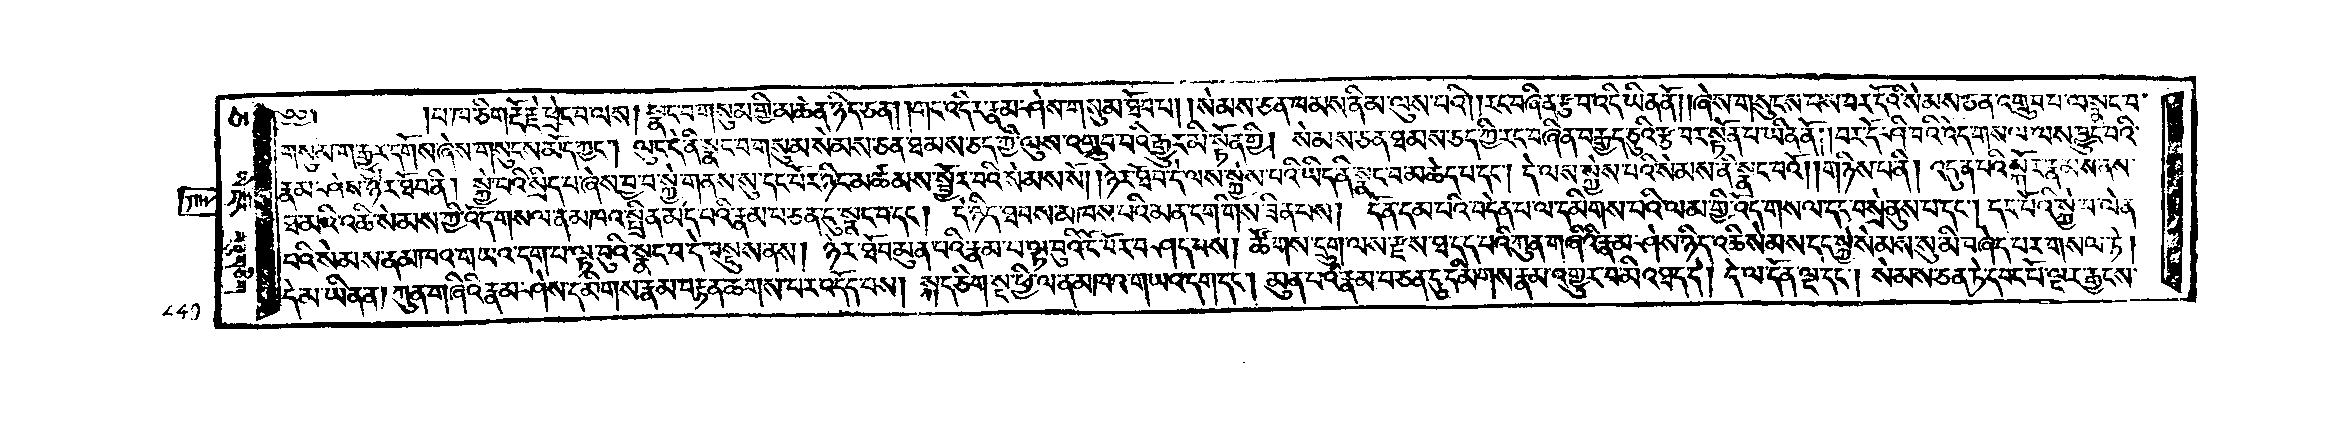༄༅། །པ་ཁ་ཅིག་རྡོ་རྗེ་ཕྲེང་བ་ལས། སྣང་བ་གསུམ་གྱི་མཚན་ཉིད་ཅན། །གང་འདིར་རྣམ་ཤེས་གསུམ་ཐོབ་པ། །སེམས་ཅན་ཁམས་ནི་མ་ལུས་པའི། །རང་བཞིན་རྩ་བ་འདི་ཡིན་ནོ། །ཞེས་གསུངས་པས་བར་དོའི་སེམས་ཅན་འགྲུབ་པ་ལ་སྣང་བ་
གསུམ་ག་རྒྱུར་དགོས་ཞེས་གསུངས་མོད་ཀྱང་། ལུང་དེ་ནི་སྣང་བ་གསུམ་སེམས་ཅན་ཐམས་ཅད་ཀྱི་ལུས་འགྲུབ་པའི་རྒྱུར་མི་སྟོན་གྱི། སེམས་ཅན་ཐམས་ཅད་ཀྱི་རང་བཞིན་བརྒྱད་ཅུའི་རྩ་བར་སྟོན་པ་ཡིན་ནོ། །བར་དོ་ཤི་བའི་འོད་གསལ་ལས་བྱུང་བའི་
རྣམ་ཤེས་ཉེར་ཐོབ་ནི། སྐྱེ་བའི་སྲིད་པ་ཞེས་བྱ་བ་སྐྱེ་གནས་སུ་དང་པོར་ཉིང་མཚམས་སྦྱོར་བའི་སེམས་སོ། །ཉེར་ཐོབ་དེ་ལས་སྐྱེས་པའི་ཡིད་ནི་སྣང་བ་མཆེད་པ་དང་། དེ་ལས་སྐྱེས་པའི་སེམས་ནི་སྣང་བའོ། །གཉིས་པ་ནི། འདུན་པའི་སྐོར་རྣམས་ནས་
ཐ་མའི་འཆི་སེམས་ཀྱི་འོད་གསལ་ནམ་མཁའ་སྤྲིན་མེད་པའི་རྣམ་པ་ཅན་དུ་སྣང་བ་དང་། དེ་ཉིད་ཐབས་མཁས་པའི་མན་ངག་གིས་ཟིན་པས། དོན་དམ་པའི་བདེན་པ་ལ་དམིགས་པའི་ལམ་གྱི་འོད་གསལ་དང་བསྲེ་ནུས་པ་དང་། དང་པོའི་སྐྱེ་བ་ལེན་
པའི་སེམས་ནམ་མཁའ་གཡའ་དག་པ་ལྟ་བུའི་སྣང་བ་དེ་བསྡུས་ནས། ཉེར་ཐོབ་མུན་པའི་རྣམ་པ་ལྟ་བུའི་ངོ་བོར་བཤད་པས། ཚོགས་དྲུག་ལས་རྫས་ཐ་དད་པའི་ཀུན་གཞིའི་རྣམ་ཤེས་ཉིད་འཆི་སེམས་དང་སྐྱེ་སེམས་སུ་མི་བཞེད་པར་གསལ་ཏེ།
དེ་མ་ཡིན་ན། ཀུན་གཞིའི་རྣམ་ཤེས་དམིགས་རྣམ་བརྟན་ཆགས་པར་འདོད་པས། སྐད་ཅིག་སྔ་ཕྱི་ལ་ནམ་མཁའ་གཡའ་དག་དང་། མུན་པའི་རྣམ་པ་ཅན་དུ་དམིགས་རྣམ་འགྱུར་བ་མི་འཐད་དེ། དེ་ལ་དོན་ལྔ་དང་། སེམས་ཅན་ཏེ་དབང་པོ་ལྔར་རྒྱངས་